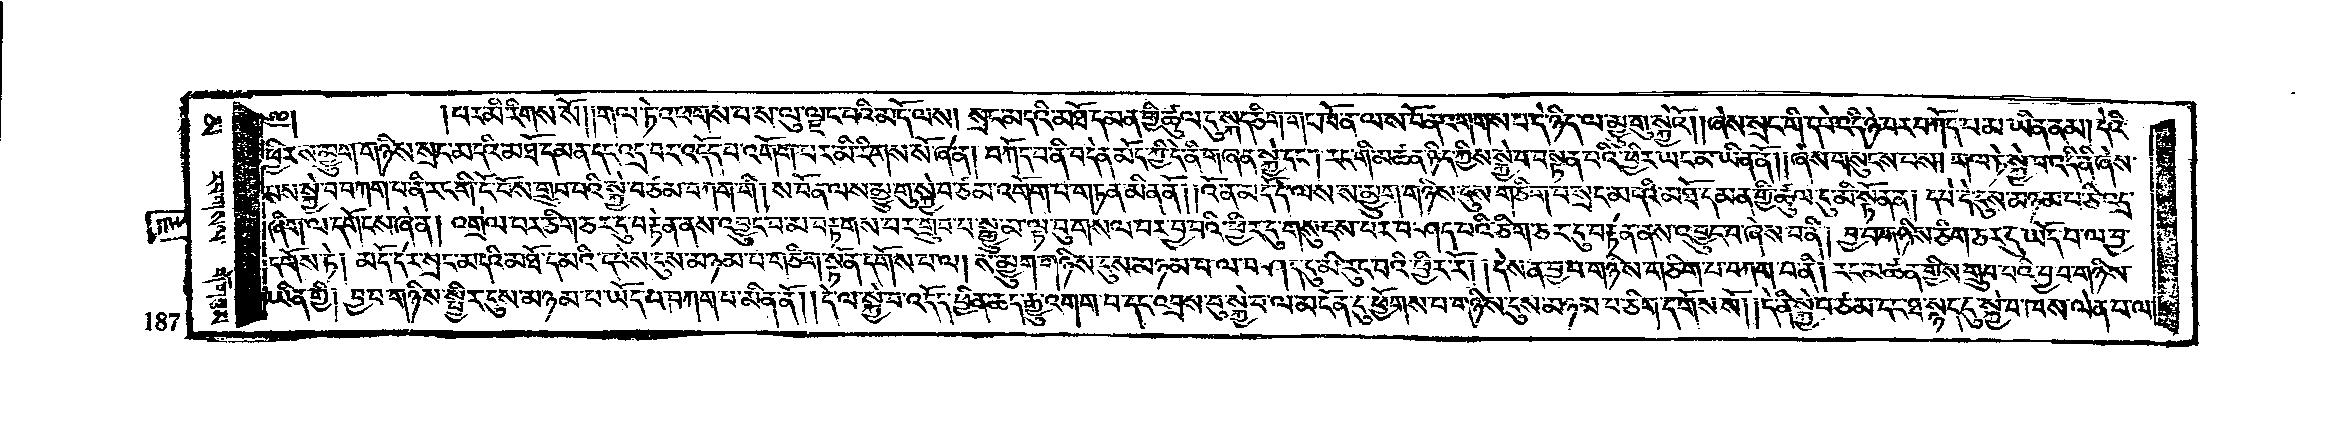༄༅། །པར་མི་རིགས་སོ། །གལ་ཏེ་འཕགས་པ་ས་ལུ་ལྗང་པའི་མདོ་ལས། སྲང་མདའི་མཐོ་དམན་གྱི་ཚུལ་དུ་སྐད་ཅིག་གང་ཁོ་ན་ལ་ས་བོན་འགགས་བ་དེ་ཉིད་ལ་མྱུ་གུ་སྐྱེའོ། །ཞེས་སྲང་གི་དཔེ་འདི་ཉེ་བར་བཀོད་པ་མ་ཡིན་ནམ། དེའི་
ཕྱིར་ས་མྱུག་གཉིས་སྲང་མདའི་མཐོ་དམན་དང་འདྲ་བར་འདོད་པ་འགོག་པར་མི་རིགས་སོ་ཞེ་ན། བཀོད་བ་ནི་བདེན་མོད་ཀྱི་དེ་ནི་གཞན་སྐྱེ་དང་། རང་གི་མཚན་ཉིད་ཀྱིས་སྐྱེ་བ་བསྟན་པའི་ཕྱིར་ཡང་མ་ཡིན་ནོ། །ཞེས་གསུངས་པས། གལ་ཏེ་སྐྱེ་བ་འདི་ནི་ཞེས་
པས་སྐྱེ་བ་བཀག་པ་ནི་རང་གི་ངོ་བོས་གྲུབ་པའི་སྐྱེ་བ་ཙམ་བཀག་གི །ས་བོན་ལས་མྱུ་གུ་སྐྱེ་བ་ཙམ་འགོག་པ་གཏན་མིན་ནོ། །འོ་ན་མདོ་དེ་ལས་ས་མྱུག་གཉིས་དུས་གཅིག་བ་སྲང་མདའི་མཐོ་དམན་གྱི་ཚུལ་དུ་མི་སྟོན་ན། དཔེ་དེ་དུས་མཉམ་པ་ཅི་འདྲ་
ཞིག་ལ་དགོངས་ཞེ་ན། འགྲེལ་བར་ཅིག་ཅར་དུ་བརྟེན་ནས་འབྱུང་བ་མ་བརྟགས་པར་གྲུབ་པ་སྒྱུ་མ་ལྟ་བུ་གསལ་བར་བྱ་བའི་ཕྱིར་དུ་གསུངས་པར་བཤད་པའི་ཅིག་ཅར་དུ་བརྟེན་ནས་འབྱུང་བ་ཞེས་པ་ནི། བྱ་བ་གཉིས་ཅིག་ཅར་དུ་ཡོད་པ་ལ་བྱ་
དགོས་ཏེ། མདོ་དེར་སྲང་མདའི་མཐོ་དམའི་དཔེས་དུས་མཉམ་པ་གཅིག་སྟོན་དགོས་པ་ལ། སོ་མྱུག་གཉིས་དུས་མཉམ་པ་ལ་བཤད་དུ་མི་རུང་བའི་ཕྱིར་རོ། །དེས་ན་བྱ་བ་གཉིས་གཅིག་པ་བཀག་བ་ནི། རང་མཚན་གྱིས་གྲུབ་པའི་བྱ་བ་གཉིས་
ཡིན་གྱི། བྱ་བ་གཉིས་སྤྱིར་དུས་མཉམ་པ་ཡོད་པ་བཀག་པ་མིན་ནོ། །དེ་ལ་སྐྱེ་བ་འདོད་ཕྱིན་ཆད་རྒྱུ་འགག་བ་དང་འབྲས་བུ་སྐྱེ་བ་ལ་མངོན་དུ་ཕྱོགས་པ་གཉིས་དུས་མཉམ་པ་ཞིག་དགོས་སོ། །དེ་ནི་སྐྱེ་བ་ཙམ་དང་ཐ་སྙད་དུ་སྐྱེ་བ་ཁས་ལེན་པ་ལ་